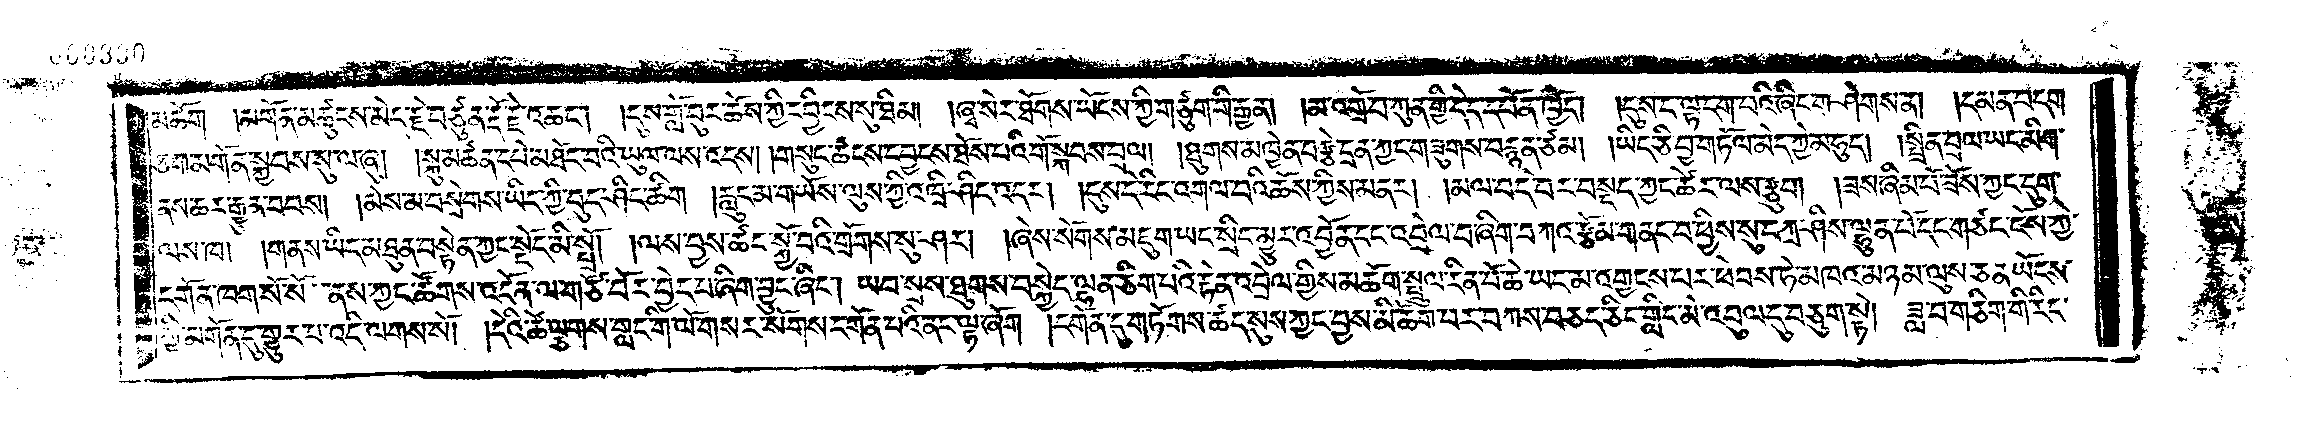མཆོག །མགོན་མཚུངས་མེད་རྗེ་བཙུན་རྡོ་རྗེ་འཆང་། །དུས་གློ་བུར་ཆོས་ཀྱི་དབྱིངས་སུ་ཐིམ། །ཞྭ་སེར་ཐོགས་ཡོངས་ཀྱི་གཙུག་གི་རྒྱན། །མ་འགྲོ་བ་ཀུན་གྱི་དེད་དཔོན་ཁྱོད། །དུས་ད་ལྟ་དག་པའི་ཞིང་གཤེགས་ན། །དམན་བདག་
ཅག་མགོན་སྐྱབས་སུ་ལ་ཞུ། །སྐུ་མཚན་དཔེ་མཐོང་བའི་ཡུལ་ལས་འདས། །གསུང་ཚངས་དབྱངས་ཐོས་པའི་གོ་སྐབས་བྲལ། །ཐུགས་མཁྱེན་བརྩེ་དྲན་ཀྱང་གཟུགས་བརྙན་ཙམ། །ཡིད་ཅི་བྱ་གཏོལ་མེད་ཀྱེ་མ་ཧུད། །སྤྲིན་བྲལ་ཡང་མིག་
ནས་ཆར་རྒྱུན་བབས། །མེས་མ་བསྲེགས་ཡིད་ཀྱི་བུད་ཤིང་ཚིག །རླུང་མ་གཡོས་ལུས་ཀྱི་འཁྲི་ཤིང་འདར། །དུས་དེ་རིང་འགལ་བའི་ཆོས་ཀྱིས་མནར། །མལ་བདེ་བར་བསྡད་ཀྱང་ཚེར་ལས་རྩུབ། །ཟས་ཞིམ་པོ་ཟོས་ཀྱང་དུག་
ལས་ཁ། །གནས་ཡིད་མཐུན་བསྟེན་ཀྱང་སྡོད་མི་སྤྲོ། །ལས་བྱས་ཚང་སྐྱོ་བའི་གྲོགས་སུ་ཤར། །ཞེས་སོགས་མཇུག་ཡང་སྲིད་མྱུར་འབྱོན་དང་འབྲེལ་བ་ཞིག་བཀའ་རྩོམ་གནང་བ་ཕྱིས་སུ་བཀྲ་ཤིས་ལྷུན་པོ་དང་གཙང་ངོས་ཀྱི་
དགོན་ཁག་སོ་སོ་ནས་ཀྱང་ཚོགས་འདོན་ལ་གཙོ་བོར་བྱེད་པ་ཞིག་བྱུང་ཞིང་། ཡབ་སྲས་ཐུགས་བསྐྱེད་ལྷན་ཅིག་པའི་རྟེན་འབྲེལ་གྱིས་མཆོག་སྤྲུལ་རིན་པོ་ཆེ་ཡང་མ་འགྱངས་པར་ཕེབས་ཏེ་མཁའ་མཉམ་ལུས་ཅན་ཡོངས་
ཀྱི་མགོན་དུ་གྱུར་པ་འདི་ལགས་སོ། །དེའི་ཚེ་ལྕགས་གླང་གི་ལོ་གསར་སོགས་དགོན་པའི་ནང་ལྟ་ཞོག །དགོན་དུ་གཏོགས་ཚད་སུས་ཀྱང་བྱས་མི་ཆོག་པར་བཀས་བཅད་ཅིང་གླིང་མེ་འབུལ་དུ་བཅུག་སྟེ། ཟླ་བ་གཅིག་གི་རིང་